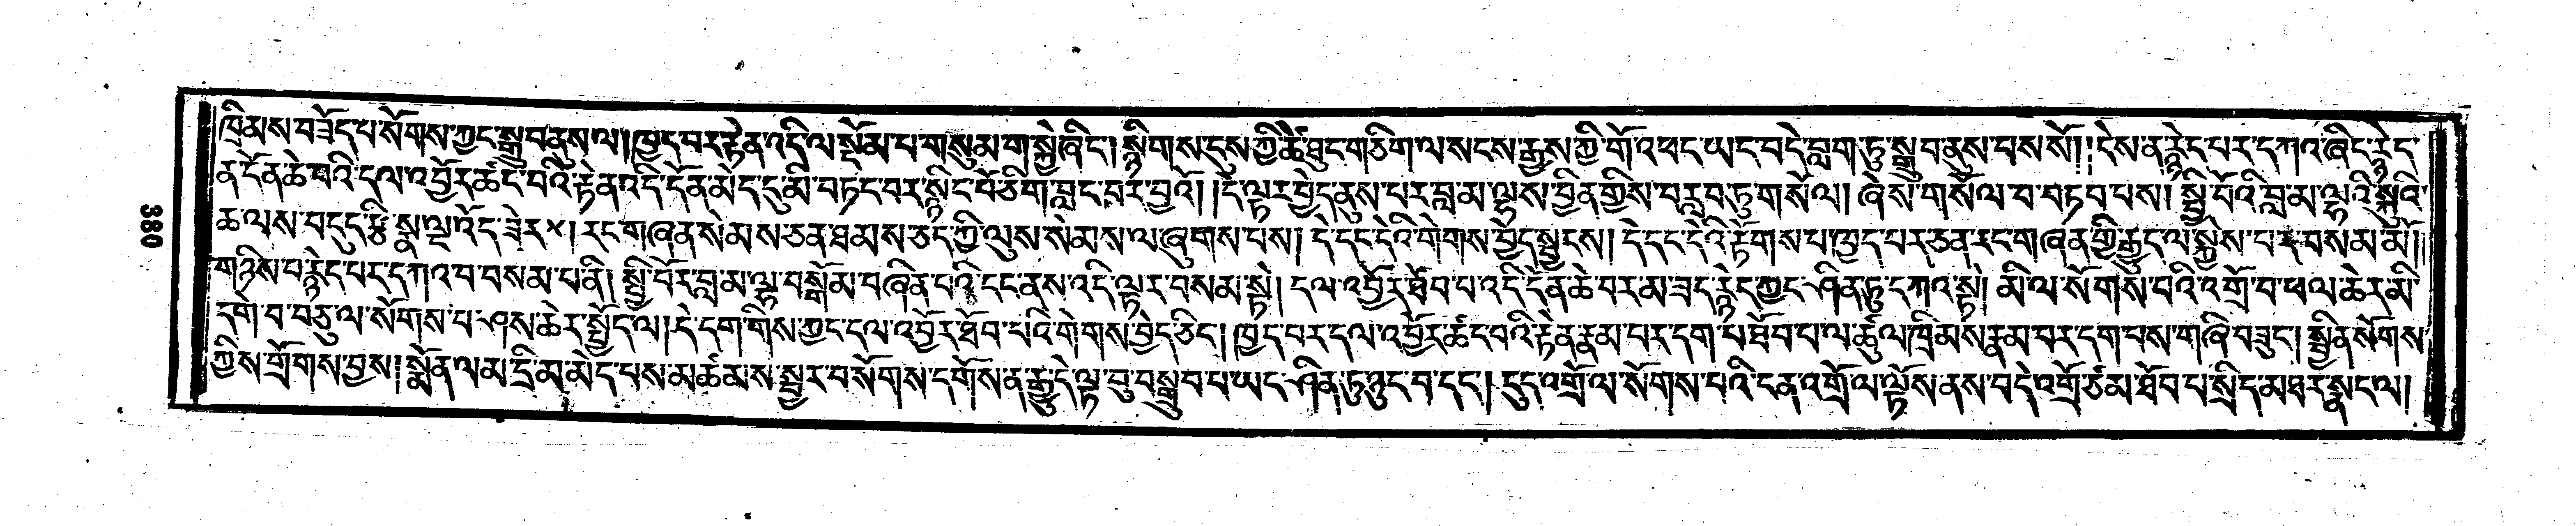ཁྲིམས་བཟོད་པ་སོགས་ཀྱང་སྒྲུབ་ནུས་ལ། ཁྱད་པར་རྟེན་འདི་ལ་སྡོམ་པ་གསུམ་ག་སྐྱེ་ཞིང་། སྙིགས་དུས་ཀྱི་ཚེ་ཐུང་གཅིག་ལ་སངས་རྒྱས་ཀྱི་གོ་འཕང་ཡང་བདེ་བླག་ཏུ་སྒྲུབ་ནུས་པས་སོ། །དེས་ན་རྙེད་པར་དཀའ་ཞིང་རྙེད་
ན་དོན་ཆེ་བའི་དལ་འབྱོར་ཚང་བའི་རྟེན་འདི་དོན་མེད་དུ་མི་བཏང་བར་སྙིང་པོ་ཅིག་བླང་བར་བྱའོ། །དེ་ལྟར་བྱེད་ནུས་པར་བླ་མ་ལྷས་བྱིན་གྱིས་བརླབ་ཏུ་གསོལ། ཞེས་གསོལ་བ་བཏབ་པས། སྤྱི་བོའི་བླ་མ་ལྷའི་སྐུའི་
ཆ་ལས་བདུད་རྩི་སྣ་ལྔ་འོད་ཟེར་྾། རང་གཞན་སེམས་ཅན་ཐམས་ཅད་ཀྱི་ལུས་སེམས་ལ་ཞུགས་པས། དེ་དང་དེའི་གེགས་བྱེད་སྦྱངས། དེ་དང་དེའི་རྟོགས་པ་ཁྱད་པར་ཅན་རང་གཞན་གྱི་རྒྱུད་ལ་སྐྱེས་པར་བསམ་མོ། །
གཉིས་པ་རྙེད་པར་དཀའ་བ་བསམ་པ་ནི། སྤྱི་བོར་བླ་མ་ལྷ་བསྒོམ་བཞིན་པའི་ངང་ནས་འདི་ལྟར་བསམ་སྟེ། དལ་འབྱོར་ཐོབ་པ་འདི་དོན་ཆེ་བར་མ་ཟད་རྙེད་ཀྱང་ཤིན་ཏུ་དཀའ་སྟེ། མི་ལ་སོགས་པའི་འགྲོ་བ་ཕལ་ཆེར་མི་
དགེ་བ་བཅུ་ལ་སོགས་པ་ཤས་ཆེར་སྤྱོད་ལ། དེ་དག་གིས་ཀྱང་དལ་འབྱོར་ཐོབ་པའི་གེགས་བྱེད་ཅིང་། ཁྱད་པར་དལ་འབྱོར་ཚང་བའི་རྟེན་རྣམ་པར་དག་པ་ཐོབ་པ་ལ་ཚུལ་ཁྲིམས་རྣམ་པར་དག་པས་གཞི་བཟུང་། སྦྱིན་སོགས་
ཀྱིས་གྲོགས་བྱས། སྨོན་ལམ་དྲི་མ་མེད་པས་མཚམས་སྦྱར་བ་སོགས་དགོས་ན་རྒྱུ་དེ་ལྟ་བུ་བསྒྲུབ་པ་ཡང་ཤིན་ཏུ་ཉུང་བ་དང་། དུད་འགྲོ་ལ་སོགས་པའི་ངང་འགྲོ་ལ་ལྟོས་ནས་བདེ་འགྲོ་ཙམ་ཐོབ་པ་སྲིད་མཐར་སྣང་ལ།